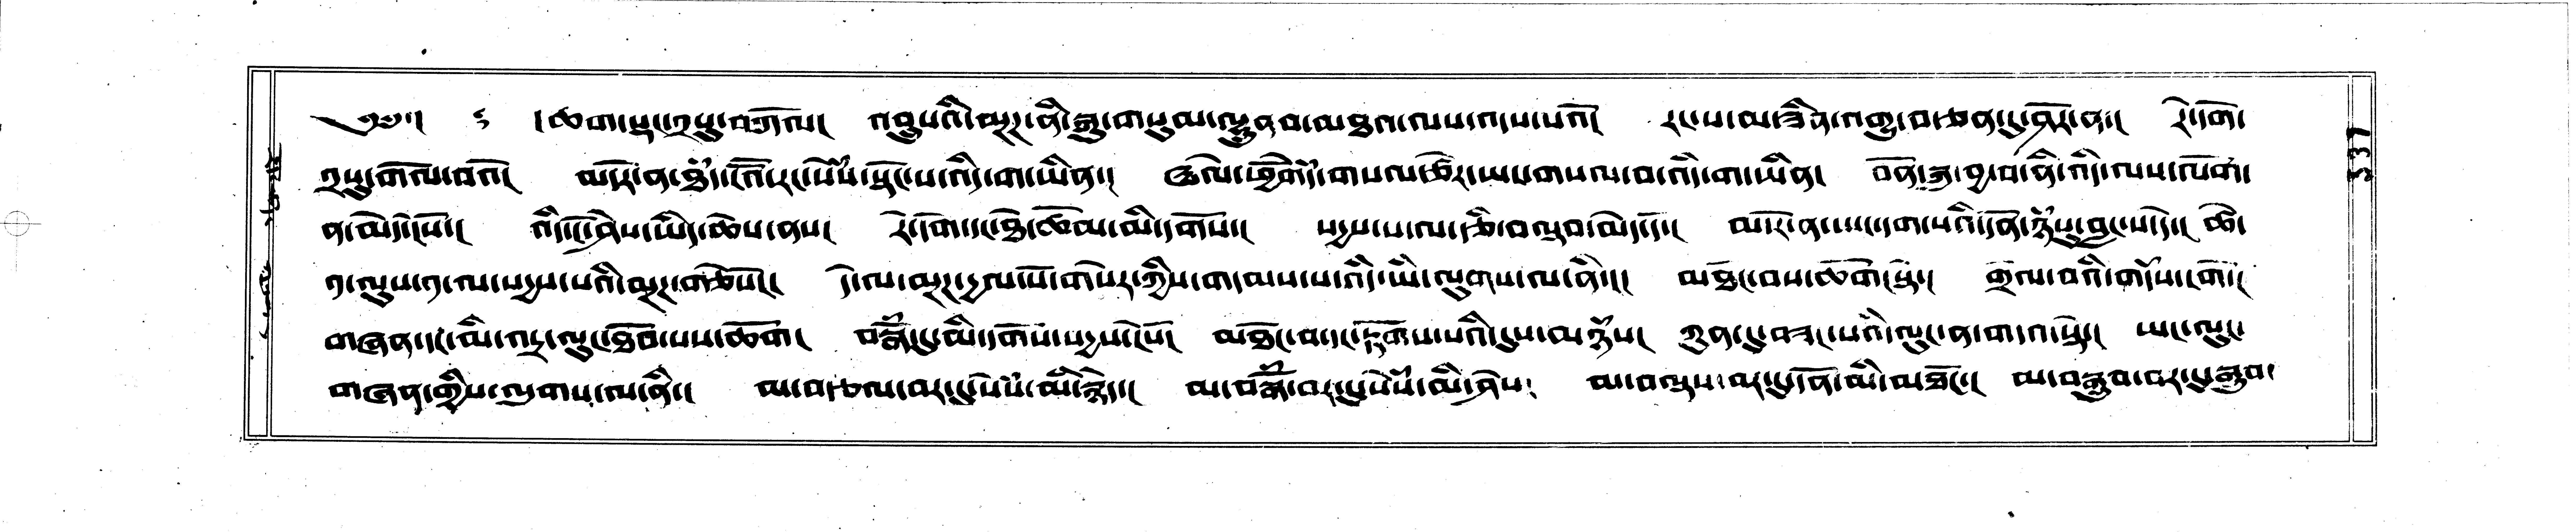ཆགས་སྡང་གཉིས་སུ་གོལ། འབྲས་བུའི་མེན་ངག་སྐུ་གསུམ་ལྷུན་གྲུབ་མཐའ་ལས་འདས་པའོ། རང་ས་མ་ཟིན་འགྱུར་བ་ཅན་དུ་ཤོར་ན་རེ་དོག་
གཉིས་སུ་གོལ་བའོ། མདོར་ན་ཐམས་ཅད་ངོའོ་རང་སེམས་སྟོང་པ་འདི་ཀ་ཡིན། ཝལ་ལེ་ཕྱོགས་མེད་ཅིར་ཡང་གསལ་བ་འདི་ཀ་ཡིན། བོན་སྐུ་བྱ་བ་འདི་ལས་ལོག་ན་
མེད་ངེས་སོ། འདི་ངེས་ཤེས་ཡིད་ཆེས་ན། རེ་དོག་དང་ཐེ་ཚོམ་མི་དགོས་སོ། སངས་རྒྱས་པ་རྩི་བརྟབ་མེད་དོ། མདོར་ན་ཡང་དག་པའི་དོན་ཉམས་སུ་བླང་སྟེ། ཚེ་
ཅིག་ལུས་ཅིག་ལ་སངས་རྒྱས་པའི་མེན་ངག་གཅེས་སོ། དེ་ལ་མེན་ངག་རྒྱལ་པོ་གསེར་གྱིས་གདམས་པ་འདིའི་ལུགས་ལ་ནི། མཐོང་པས་ཆོག་སྟེ། གྲོལ་བའི་གདམས་ངག། 
གཞན་དང་མི་འདྲ་ལུང་ཐོབ་པས་ཆོག་སྟེ་སྒོམ་དུ་མི་དགོས་སངས་རྒྱས་ངེས་སོ། མཐོང་པ་དང་རྟོགས་པ་དུས་མཉམ། ཤེས་པ་དང་གྲོལ་བ་དུས་མཉམ། ཀུན་ཏུ་བཟང་པོའི་ལུང་ནས་གདའ་སྟེ། ཡང་ལུང་
གཞན་གྱིས་༼གྱི༽ལུགས་ལ་ནི། མ་བཙལ་བར་དུ་སེམས་མི་རྙེད། མ་བསྒོམ་བར་དུ་སེམས་མི་ཤེས། མ་བལྟས་བར་དུ་དོན་མི་མཐོང་། མ་སྒྲུབས་བར་དུ་འགྲུབ་མི་སྲིད་